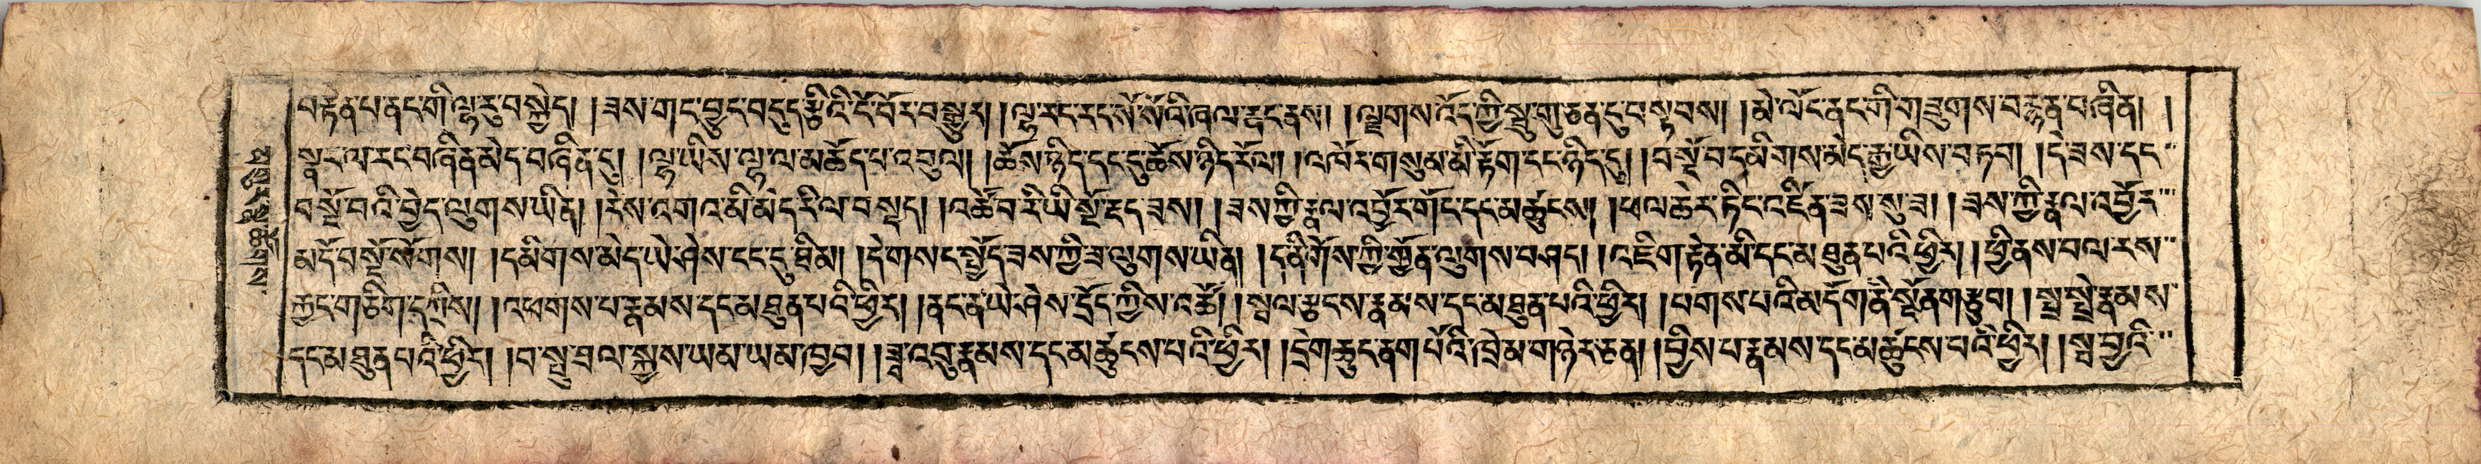བརྟན་པ་ནང་གི་ལྷ་རུ་བསྐྱེད། །ཟས་གང་བྱུང་བདུད་རྩིའི་ངོ་བོར་བསྒྱུར། །ལྷ་རང་རང་སོ་སོའི་ཞལ་ཆུང་ནས། །ལྗགས་འོད་ཀྱི་སྦུ་གུ་ཅན་དུ་བསྟབས། །མེ་ལོང་ནང་གི་གཟུགས་བརྙན་བཞིན། །
སྣང་ལ་རང་བཞིན་མེད་བཞིན་དུ། །ལྷ་ཡིས་ལྷ་ལ་མཆོད་པ་འབུལ། །ཆོས་ཉིད་དང་དུ་ཆོས་ཉིད་རོལ། །འཁོར་གསུམ་མི་རྟོག་དང་ཉིད་དུ། །བསྔོ་བ་དམིགས་མེད་རྒྱ་ཡིས་བཏབ། །དེ་ཟས་དང་
བསྔོ་བའི་བྱེད་ལུགས་ཡིན། །རེས་འགའ་མི་མེད་རི་ལ་བསྡད། །འཚོ་བ་རི་ཡི་སྔོ་རྔད་ཟས། །ཟས་ཀྱི་རྣལ་འབྱོར་གོང་དང་མཚུངས། །ཕལ་ཆེར་ཏིང་འཛིན་ཟས་སུ་ཟ། །ཟས་ཀྱི་རྣལ་འབྱོར་
མདོ་བསྔོ་སོགས། །དམིགས་མེད་ཡེ་ཤེས་ངང་དུ་ཐིམ། །དེ་གསང་སྤྱོད་ཟས་ཀྱི་ཟ་ལུགས་ཡིན། །ད་ནི་གོས་ཀྱི་གྱོན་ལུགས་བཤད། །འཇིག་རྟེན་མི་དང་མཐུན་པའི་ཕྱིར། །ཕྱི་ནས་བལ་རས་
རྐྱང་གཅིག་དཀྲིས། །འཕགས་པ་རྣམས་དང་མཐུན་པའི་ཕྱིར། །ནང་ན་ཡེ་ཤེས་དྲོད་ཀྱིས་འཚོ། །སྤལ་རྩངས་རྣམས་དང་མཐུན་པའི་ཕྱིར། །བགས་པའི་མདོག་ནི་སྔོ་ནག་རྩུབ། །སྤྲ་སྤྲེ་རྣམས་
དང་མཐུན་པའི་ཕྱིར། །བ་སྤུ་ཐལ་སྐྱས་ཡམ་ཡམ་ཁྱབ། །ཟྭ་འབུ་རྣམས་དངམཚུངས་པའི་ཕྱིར། །དྲེག་ཆུང་ནག་པོའི་ཁྲོམ་གཉེར་ཅན། །བྱིས་པ་རྣམས་དང་མཚུངས་པའི་ཕྱིར། །སྦ་བྱའི་